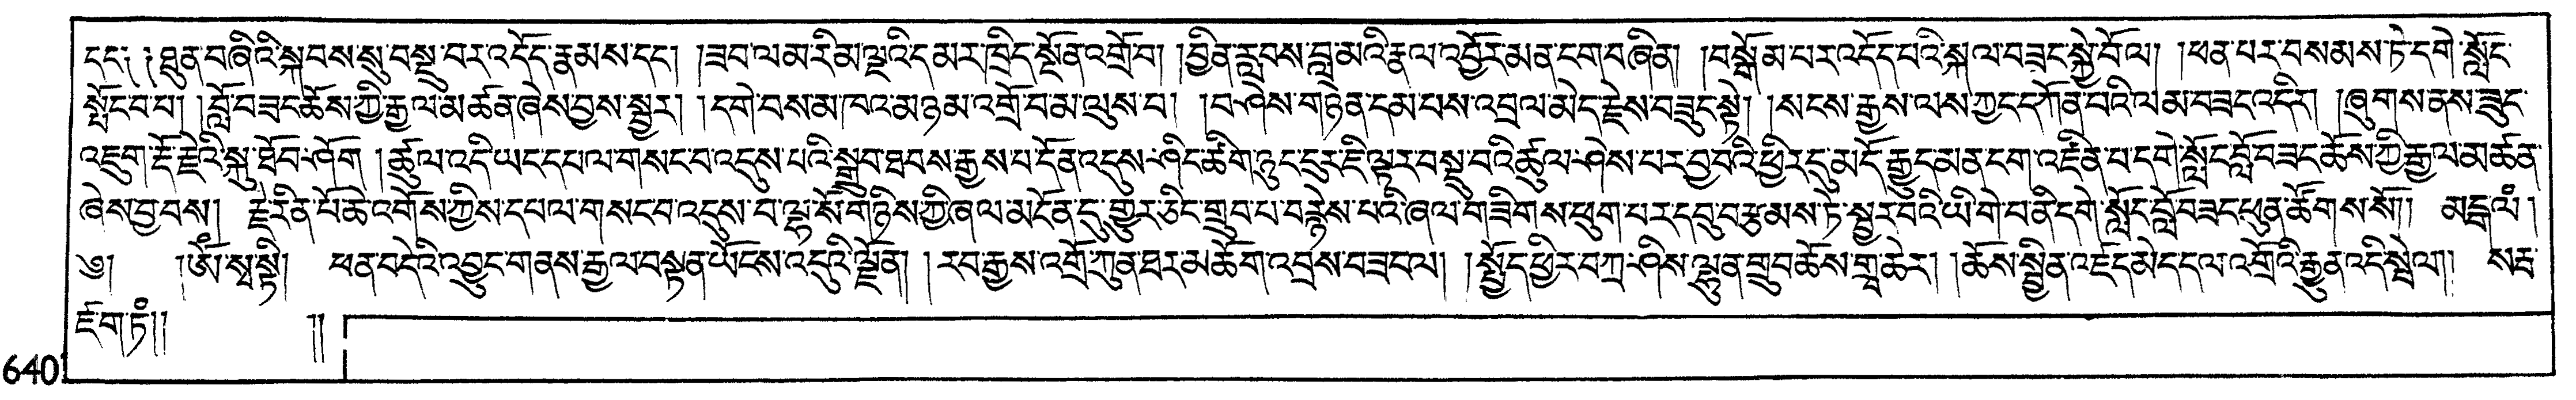དང༑ ༑ཐུན་བཞིའི་སྐབས་སུ་བསྡུ་བར་འདོད་རྣམས་དང་། །ཟབ་ལམ་རིམ་ལྔའི་དམར་ཁྲིད་སྔོན་འགྲོ་བ། །བྱིན་རླབས་བླ་མའི་རྣལ་འབྱོར་མན་ངག་བཞིན། །བསྒོམ་པར་འདོད་པའི་སྐལ་བཟང་སྐྱེ་བོ་ལ། །ཕན་པར་བསམས་ཏེ་དགེ་སློང་
སྤོང་བ་པ། །བློ་བཟང་ཆོས་ཀྱི་རྒྱལ་མཚན་ཞེས་བྱས་སྦྱར། །དགེ་བས་མཁའ་མཉམ་འགྲོ་བ་མ་ལུས་པ། །བཤེས་གཉེན་དམ་པས་འབྲལ་མེད་རྗེས་བཟུང་སྟེ། །སངས་རྒྱས་ལས་ཀྱང་དཀོན་པའི་ལམ་བཟང་འདིར། །ཞུགས་ནས་ཟུང་
འཇུག་རྡོ་རྗེའི་སྐུ་ཐོབ་ཤོག །ཚུལ་འདི་ཡང་དཔལ་གསང་བ་འདུས་པའི་སྒྲུབ་ཐབས་རྒྱས་པ་དོན་འདུས་ཤིང་ཚིག་ཉུང་ངུར་ཇི་ལྟར་བསྡུ་བའི་ཚུལ་ཤེས་པར་བྱ་བའི་ཕྱིར་དུ་མདོ་རྒྱུད་མན་ངག་འཛིན་པ་དགེ་སློང་བློ་བཟང་ཆོས་ཀྱི་རྒྱལ་མཚན་
ཞེས་བྱ་བས། རྗེ་རིན་པོ་ཆེ་འགོས་ཀྱིས་དཔལ་གསང་བ་འདུས་པ་ལྷ་སོ་གཉིས་ཀྱི་ཞལ་མངོན་དུ་གྱུར་ཅིང་གྲུབ་པ་བརྙེས་པའི་ཞལ་གཟིགས་ཕུག་པར་དབུ་བརྩམས་ཏེ་སྦྱར་བའི་ཡི་གེ་བ་ནི་དགེ་སློང་བློ་བཟང་ཕུན་ཚོགས་སོ།། མངྒ་ལཾ།
༄༅། །ཨོཾ་སྭ་སྟི། ཕན་བདེའི་འབྱུང་གནས་རྒྱལ་བསྟན་ཡོངས་འདུའི་ལྗོན། །རབ་རྒྱས་འགྲོ་ཀུན་ཐར་མཆོག་འབྲས་བཟང་ལ། །སྤྱོད་ཕྱིར་བཀྲ་ཤིས་ལྷུན་གྲུབ་ཆོས་གྲྭ་ཆེར། །ཆོས་སྦྱིན་འཛད་མེད་དལ་འགྲོའི་རྒྱུན་འདི་སྤེལ།། སརྦ་
ཛ་ག་ཏཾ།། །།